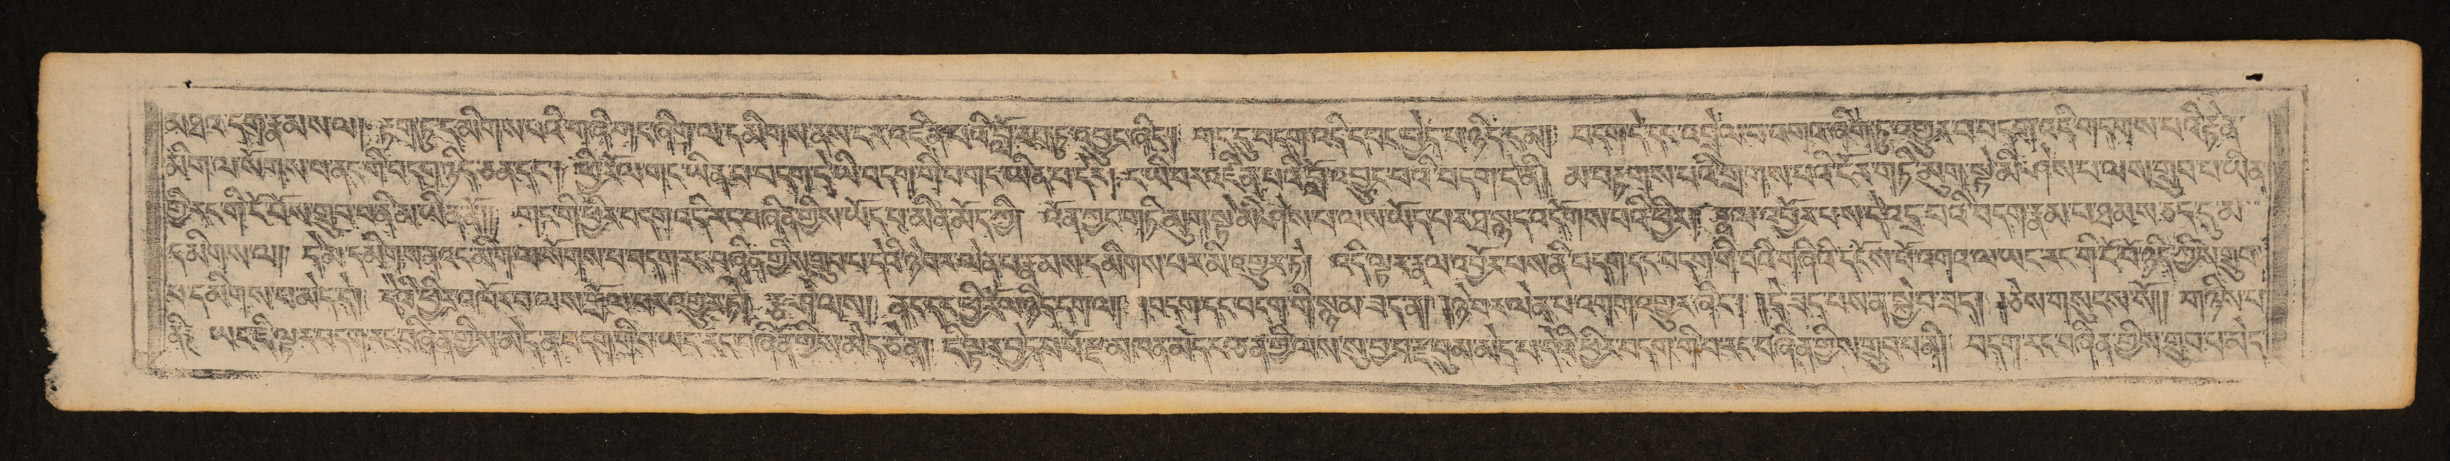མཐའ་དག་རྣམས་ལ། རྟག་ཏུ་དམིགས་པའི་གཞི་གང་ཞིག་ལ་དམིགས་ནས་ངར་འཛིན་པའི་བློ་རབ་ཏུ་འབྱུང་ཞིང་། གང་དུ་བདག་འདི་དབང་བྱེད་པ་ཉིད་དམ། བདག་དེ་དང་འབྲེལ་བ་འགའ་ཞིག་ཏུ་འགྱུར་བ་བདག་འདི་གདགས་པའི་རྟེན་
མིག་ལ་སོགས་པ་ནང་གི་བདག་ཉིད་ཅན་དང་། ཕྱི་རོལ་གང་ཡིན་པ་བདག་དེ་ཡི་བདག་གི་བ་གང་ཡིན་པ་དེར། ང་ཡི་བར་འཛིན་པའི་བློ་འབྱུང་བའི་བདག་དེ་ནི། མ་བརྟགས་པའི་གྲགས་པའི་ངོར་གཏི་མུག་སྟེ་མི་ཤེས་པ་ལས་གྲུབ་པ་ཡིན་
གྱི་རང་གི་ངོ་བོས་གྲུབ་པ་ནི་མ་ཡིན་ནོ།། གང་གི་ཕྱིར་བདག་འདི་རང་བཞིན་གྱིས་ཡོད་པ་མིན་མོད་ཀྱི། འོན་ཀྱང་གཏི་མུག་སྟེ་མི་ཤེས་པ་ལས་ཡོད་པར་ཐ་སྙད་འདོགས་པའི་ཕྱིར། རྣལ་འབྱོར་པས་དེ་འདྲ་བའི་བདག་རྣམ་པ་ཐམས་ཅད་དུ་མ་
དམིགས་ལ། དེ་མ་དམིགས་ནའང་མིག་ལ་སོགས་པ་བདག་རང་བཞིན་གྱིས་གྲུབ་པ་དེའི་ཉེ་བར་ལེན་པ་རྣམས་དམིགས་པར་མི་འགྱུར་ཏེ། འདི་ལྟར་རྣལ་འབྱོར་པས་ནི་བདག་དང་བདག་གི་བའི་གཞིའི་དངོས་པོ་འགའ་ལ་ཡང་རང་གི་ངོ་བོ་ཉིད་ཀྱིས་གྲུབ་
པ་དམིགས་པ་མེད་དེ། དེའི་ཕྱིར་འཁོར་བ་ལས་གྲོལ་བར་འགྱུར་ཏེ། རྩ་ཤེ་ལས། ནང་དང་ཕྱི་རོལ་ཉིད་དག་ལ། །བདག་དང་བདག་གི་སྙམ་ཟད་ན། །ཉེ་བར་ལེན་པ་འགག་འགྱུར་ཞིང་། །དེ་ཟད་པས་ན་སྐྱེ་བ་ཟད། །ཅེས་གསུངས་སོ།། གཉིས་པ་
ནི། ཡང་ཇི་ལྟར་བདག་རང་བཞིན་གྱིས་མེད་ན་བདག་གི་བ་ཡང་རང་བཞིན་གྱིས་མེད་ཅེ་ན། ཇི་ལྟར་བྱེད་པ་པོ་རྫ་མཁན་མེད་པ་ཅན་གྱི་ལས་སུ་བྱ་བ་རྫ་བུམ་མེད་པ་དེའི་ཕྱིར་བདག་གི་བ་རང་བཞིན་གྱིས་གྲུབ་པ་ནི། བདག་རང་བཞིན་གྱིས་གྲུབ་པ་མེད་